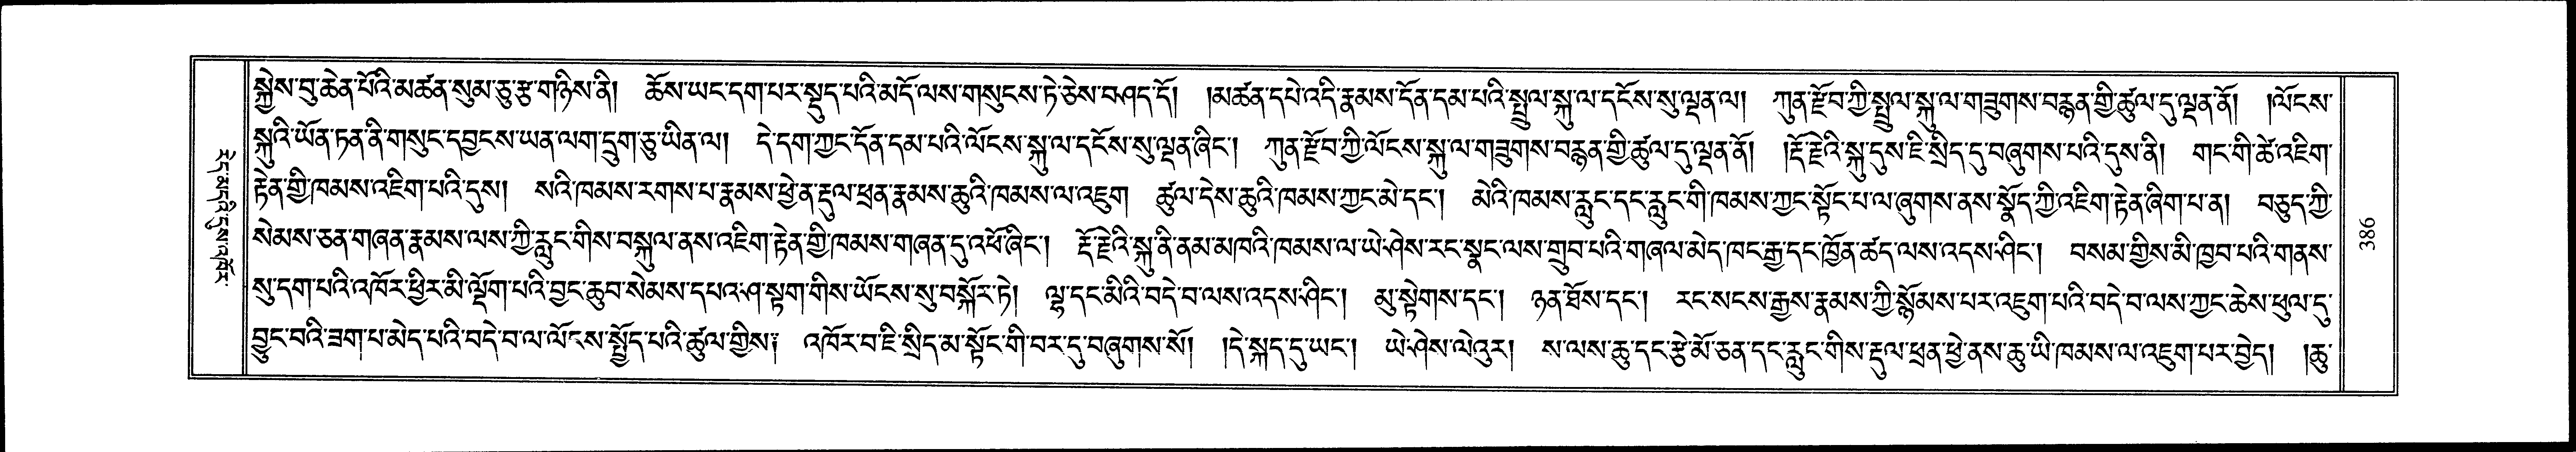སྐྱེས་བུ་ཆེན་པོའི་མཚན་སུམ་ཅུ་རྩ་གཉིས་ནི། ཆོས་ཡང་དག་པར་སྡུད་པའི་མདོ་ལས་གསུངས་ཏེ་ཅེས་བཤད་དོ། །མཚན་དཔེ་འདི་རྣམས་དོན་དམ་པའི་སྤྲུལ་སྐུ་ལ་དངོས་སུ་ལྡན་ལ། ཀུན་རྫོབ་ཀྱི་སྤྲུལ་སྐུ་ལ་གཟུགས་བརྙན་གྱི་ཚུལ་དུ་ལྡན་ནོ། །ལོངས་
སྐུའི་ཡོན་ཏན་ནི་གསུང་དབྱངས་ཡན་ལག་དྲུག་ཅུ་ཡིན་ལ། དེ་དག་ཀྱང་དོན་དམ་པའི་ལོངས་སྐུ་ལ་དངོས་སུ་ལྡན་ཞིང་། ཀུན་རྫོབ་ཀྱི་ལོངས་སྐུ་ལ་གཟུགས་བརྙན་གྱི་ཚུལ་དུ་ལྡན་ནོ། །རྡོ་རྗེའི་སྐུ་དུས་ཇི་སྲིད་དུ་བཞུགས་པའི་དུས་ནི། གང་གི་ཚེ་འཇིག་
རྟེན་གྱི་ཁམས་འཇིག་པའི་དུས། སའི་ཁམས་རགས་པ་རྣམས་ཕྱེ་ན་རྡུལ་ཕྲན་རྣམས་ཆུའི་ཁམས་ལ་འཇུག །ཚུལ་དེས་ཆུའི་ཁམས་ཀྱང་མེ་དང་། མེའི་ཁམས་རླུང་དང་རླུང་གི་ཁམས་ཀྱང་སྟོང་པ་ལ་ཞུགས་ནས་སྣོད་ཀྱི་འཇིག་རྟེན་ཞིག་པ་ན། བཅུད་ཀྱི་
སེམས་ཅན་གཞན་རྣམས་ལས་ཀྱི་རླུང་གིས་བསྐུལ་ནས་འཇིག་རྟེན་གྱི་ཁམས་གཞན་དུ་འཕོ་ཞིང་། རྡོ་རྗེའི་སྐུ་ནི་ནམ་མཁའི་ཁམས་ལ་ཡེ་ཤེས་རང་སྣང་ལས་གྲུབ་པའི་གཞལ་མེད་ཁང་རྒྱ་དང་ཁྱོན་ཚད་ལས་འདས་ཤིང་། བསམ་གྱིས་མི་ཁྱབ་པའི་གནས་
སུ་དག་པའི་འཁོར་ཕྱིར་མི་ལྡོག་པའི་བྱང་ཆུབ་སེམས་དཔའ་ཤ་སྟག་གིས་ཡོངས་སུ་བསྐོར་ཏེ། ལྷ་དང་མིའི་བདེ་བ་ལས་འདས་ཤིང་། མུ་སྟེགས་དང་། ཉན་ཐོས་དང་། རང་སངས་རྒྱས་རྣམས་ཀྱི་སྙོམས་པར་འཇུག་པའི་བདེ་བ་ལས་ཀྱང་ཆེས་ཕུལ་དུ་
བྱུང་བའི་ཟག་པ་མེད་པའི་བདེ་བ་ལ་ལོངས་སྤྱོད་པའི་ཚུལ་གྱིས། འཁོར་བ་ཇི་སྲིད་མ་སྟོང་གི་བར་དུ་བཞུགས་སོ། །དེ་སྐད་དུ་ཡང་། ཡེ་ཤེས་ལེའུར། ས་ལས་ཆུ་དང་རྩེ་མོ་ཅན་དང་རླུང་གིས་རྡུལ་ཕྲན་ཕྱེ་ནས་ཆུ་ཡི་ཁམས་ལ་འཇུག་པར་བྱེད། །ཆུ་